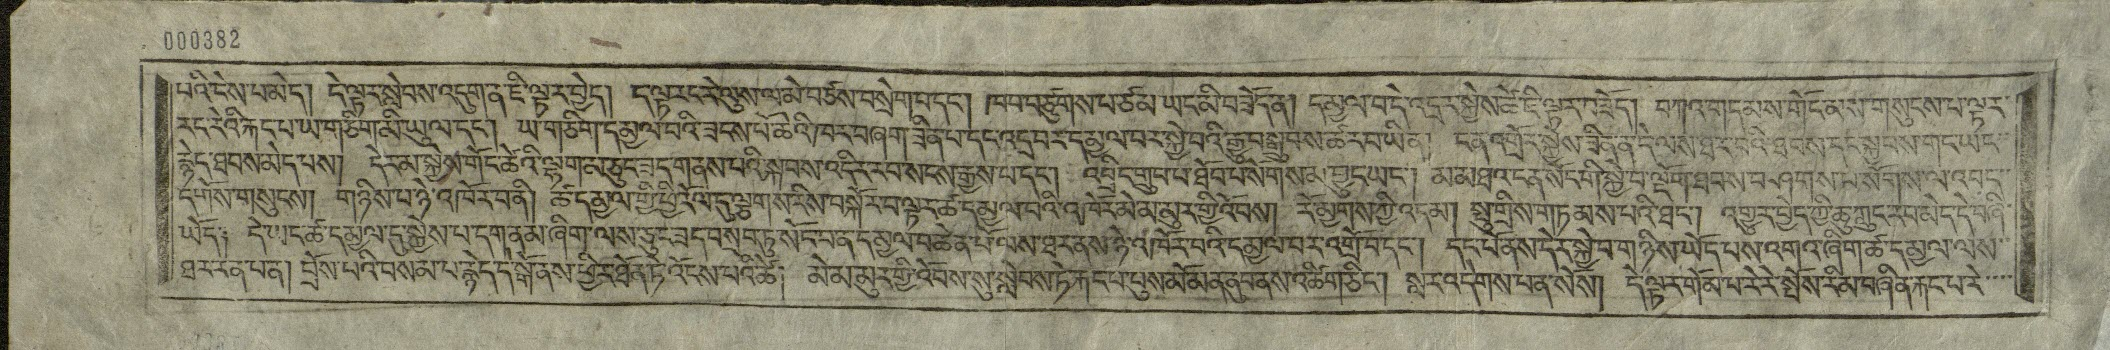པའི་ངེས་པ་མེད། དེ་ལྟར་སླེབས་འདུག་ན་ཇི་ལྟར་བྱེད། ད་ལྟ་རང་རེ་ལུས་ལ་མེ་བཙས་བསྲེག་པ་དང་། ཁབ་བཙུགས་པ་ཙམ་ཡང་མི་བཟོད་ན། དམྱལ་བ་དེ་འདྲར་སྐྱེས་ཚེ་ཇི་ལྟར་བཟོད། བཀའ་གདམས་གོང་མས་གསུངས་པ་ལྟར་
རང་རེའི་རྐང་པ་ཡ་གཅིག་མི་ཡུལ་དང་། ཡ་གཅིག་དམལ་བའི་ཟངས་པོ་ཆེའི་ཁར་བཞག་ཟིན་པ་དང་འདྲ་བར་དམྱལ་བར་སྐྱེ་བའི་རྒྱུ་བསྒྲུབས་ཚར་བ་ཡིན། ངན་འགྲེར་སྐྱེས་ཟིན་ན་དེ་ལས་ཐར་བའི་ཐམས་དང་སྐྱབས་གང་ཡང་
རྙེད་ཐམས་མེད་པས། དེར་མ་སྐྱེས་གོང་ཚེའི་ལྷག་མ་ཅུང་ཟད་གནས་པའི་སྐབས་འདིར་རབ་སངས་རྒྱས་པ་དང་། འབྲིང་གྲུབ་པ་ཐོབ་པ་སོགས་པ་སོགས་མ་བྱུང་ཡང་། མ་མཐའ་ངན་སོང་གི་སྐྱེ་བ་ལྡོག་ཐམས་བཤགས་པ་སོགས་ལ་འབད་
དགོས་གསུངས། གཉིས་པ་ཉེ་འཁོར་བ་ནི། ཚ་དམྱལ་གྱི་ཕྱི་རོལ་ཏུ་ལྕགས་རིས་བཀོར་བ་ལྟར་ཚ་དམྱལ་བའི་འཁོར་མེ་མ་མུར་གྱི་འོབས། རོ་མྱགས་གྱི་འདམ། སྤུ་གྲིས་གཏམས་པའི་ཐང་། འགྱུར་བཡད་ཀྱི་ཆུང་ཀླུང་རབ་མེད་དེ་བཞི་
ཡོད༑ དེ་ཡང་ཚ་དམྱལ་དུ་སྐྱེས་པ་དག་ནམ་ཞིག་ལས་ཅུང་ཟད་བསྲབ་ཏུ་སོང་བ་ན་དམྱལ་བ་ཆེན་པོ་ལས་ཐར་ནས་ཉེ་འཁོར་བའི་དམྱལ་བར་འགྲོ་བ་དང་། དང་པོ་ནས་དེར་སྐྱེ་བ་གཉིས་ཡོད་པས་འགའ་ཞིག་ཚ་དམྱལ་ལས་
ཐར་རན་པ་ན། བྲོས་པའི་བསམ་པ་རྙེད་དེ་སྒོ་ནས་ཕྱིར་ཐོན་ཏེ་འོངས་པའི་ཚེ། མེ་མ་མུར་གྱི་འོབས་སུ་སླེབས་ཏེ་རྐང་པ་པུས་མོ་མན་ནུབ་ནས་འཚིག་ཅིང་། སླར་འདེགས་པ་ན་སོས། དེ་ལྟར་གོམ་པ་རེ་རེ་སྤོས་རིམ་བཞིན་རྐང་པ་རེ་